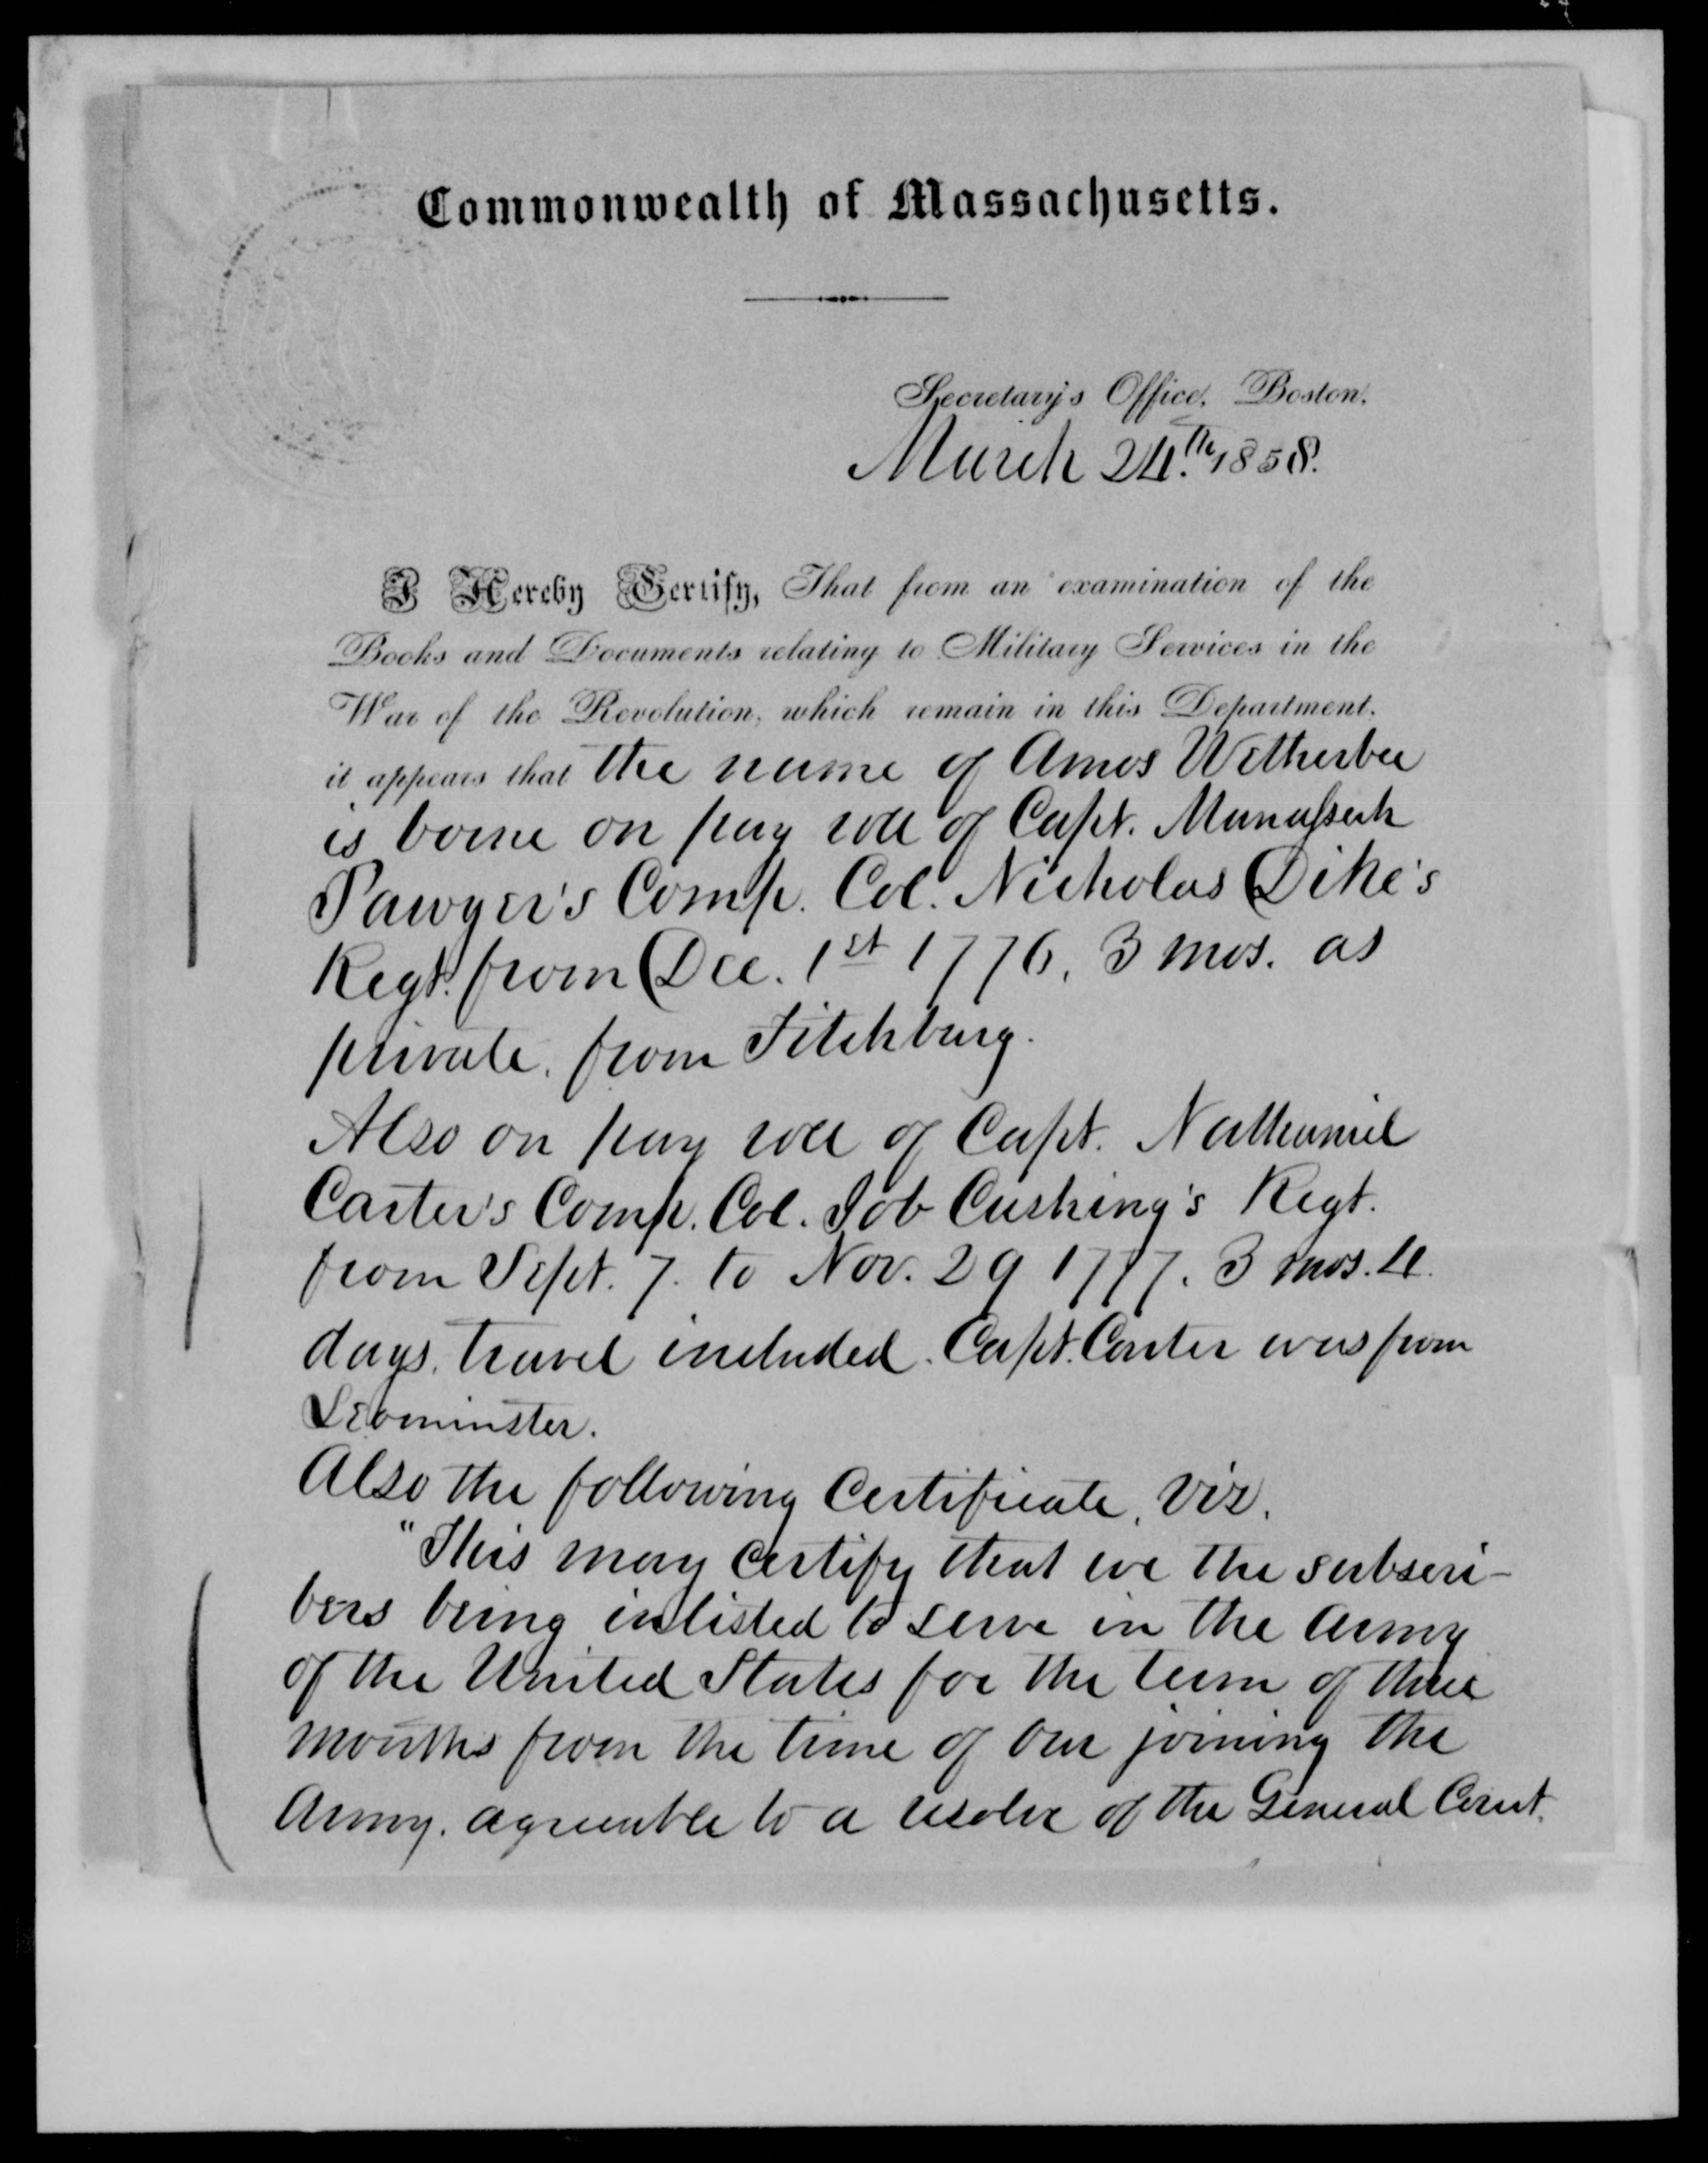Commonwealth of Massachusetts
(seal)
Secretary's Office, Boston;
March 24th 1858

I Hereby Certify, That from an examination of the Books and Documents relating to Military Services in the War of the Revolution, which remain in this Department, it appears that the name of Amos Wetherbee is borne on pay roll of Capt. Manassah Sawyer's Comp. Col. Nicholas Dike's Regt. from Dec. 1st 1776, w mos. as private from Fitchburg.
Also on pay roll of Capt. Nathaniel Carter's Comp col. Job Cushing's Regt. from Sept. 7 to Nov. 29 1777 3 mos. 4 days travel included. Capt. Carter was from Leominster.
Also the following certificate viz. "This may certify that we the subscribers being inlisted to serve in the army of the United States for the term of three months from the time of our joining the army agreeable to a resolve of the General Court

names: Carter, Amos Wetherbee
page: 37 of 66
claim: widow's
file: W. 2468, Amos Wetherbee, Mass.